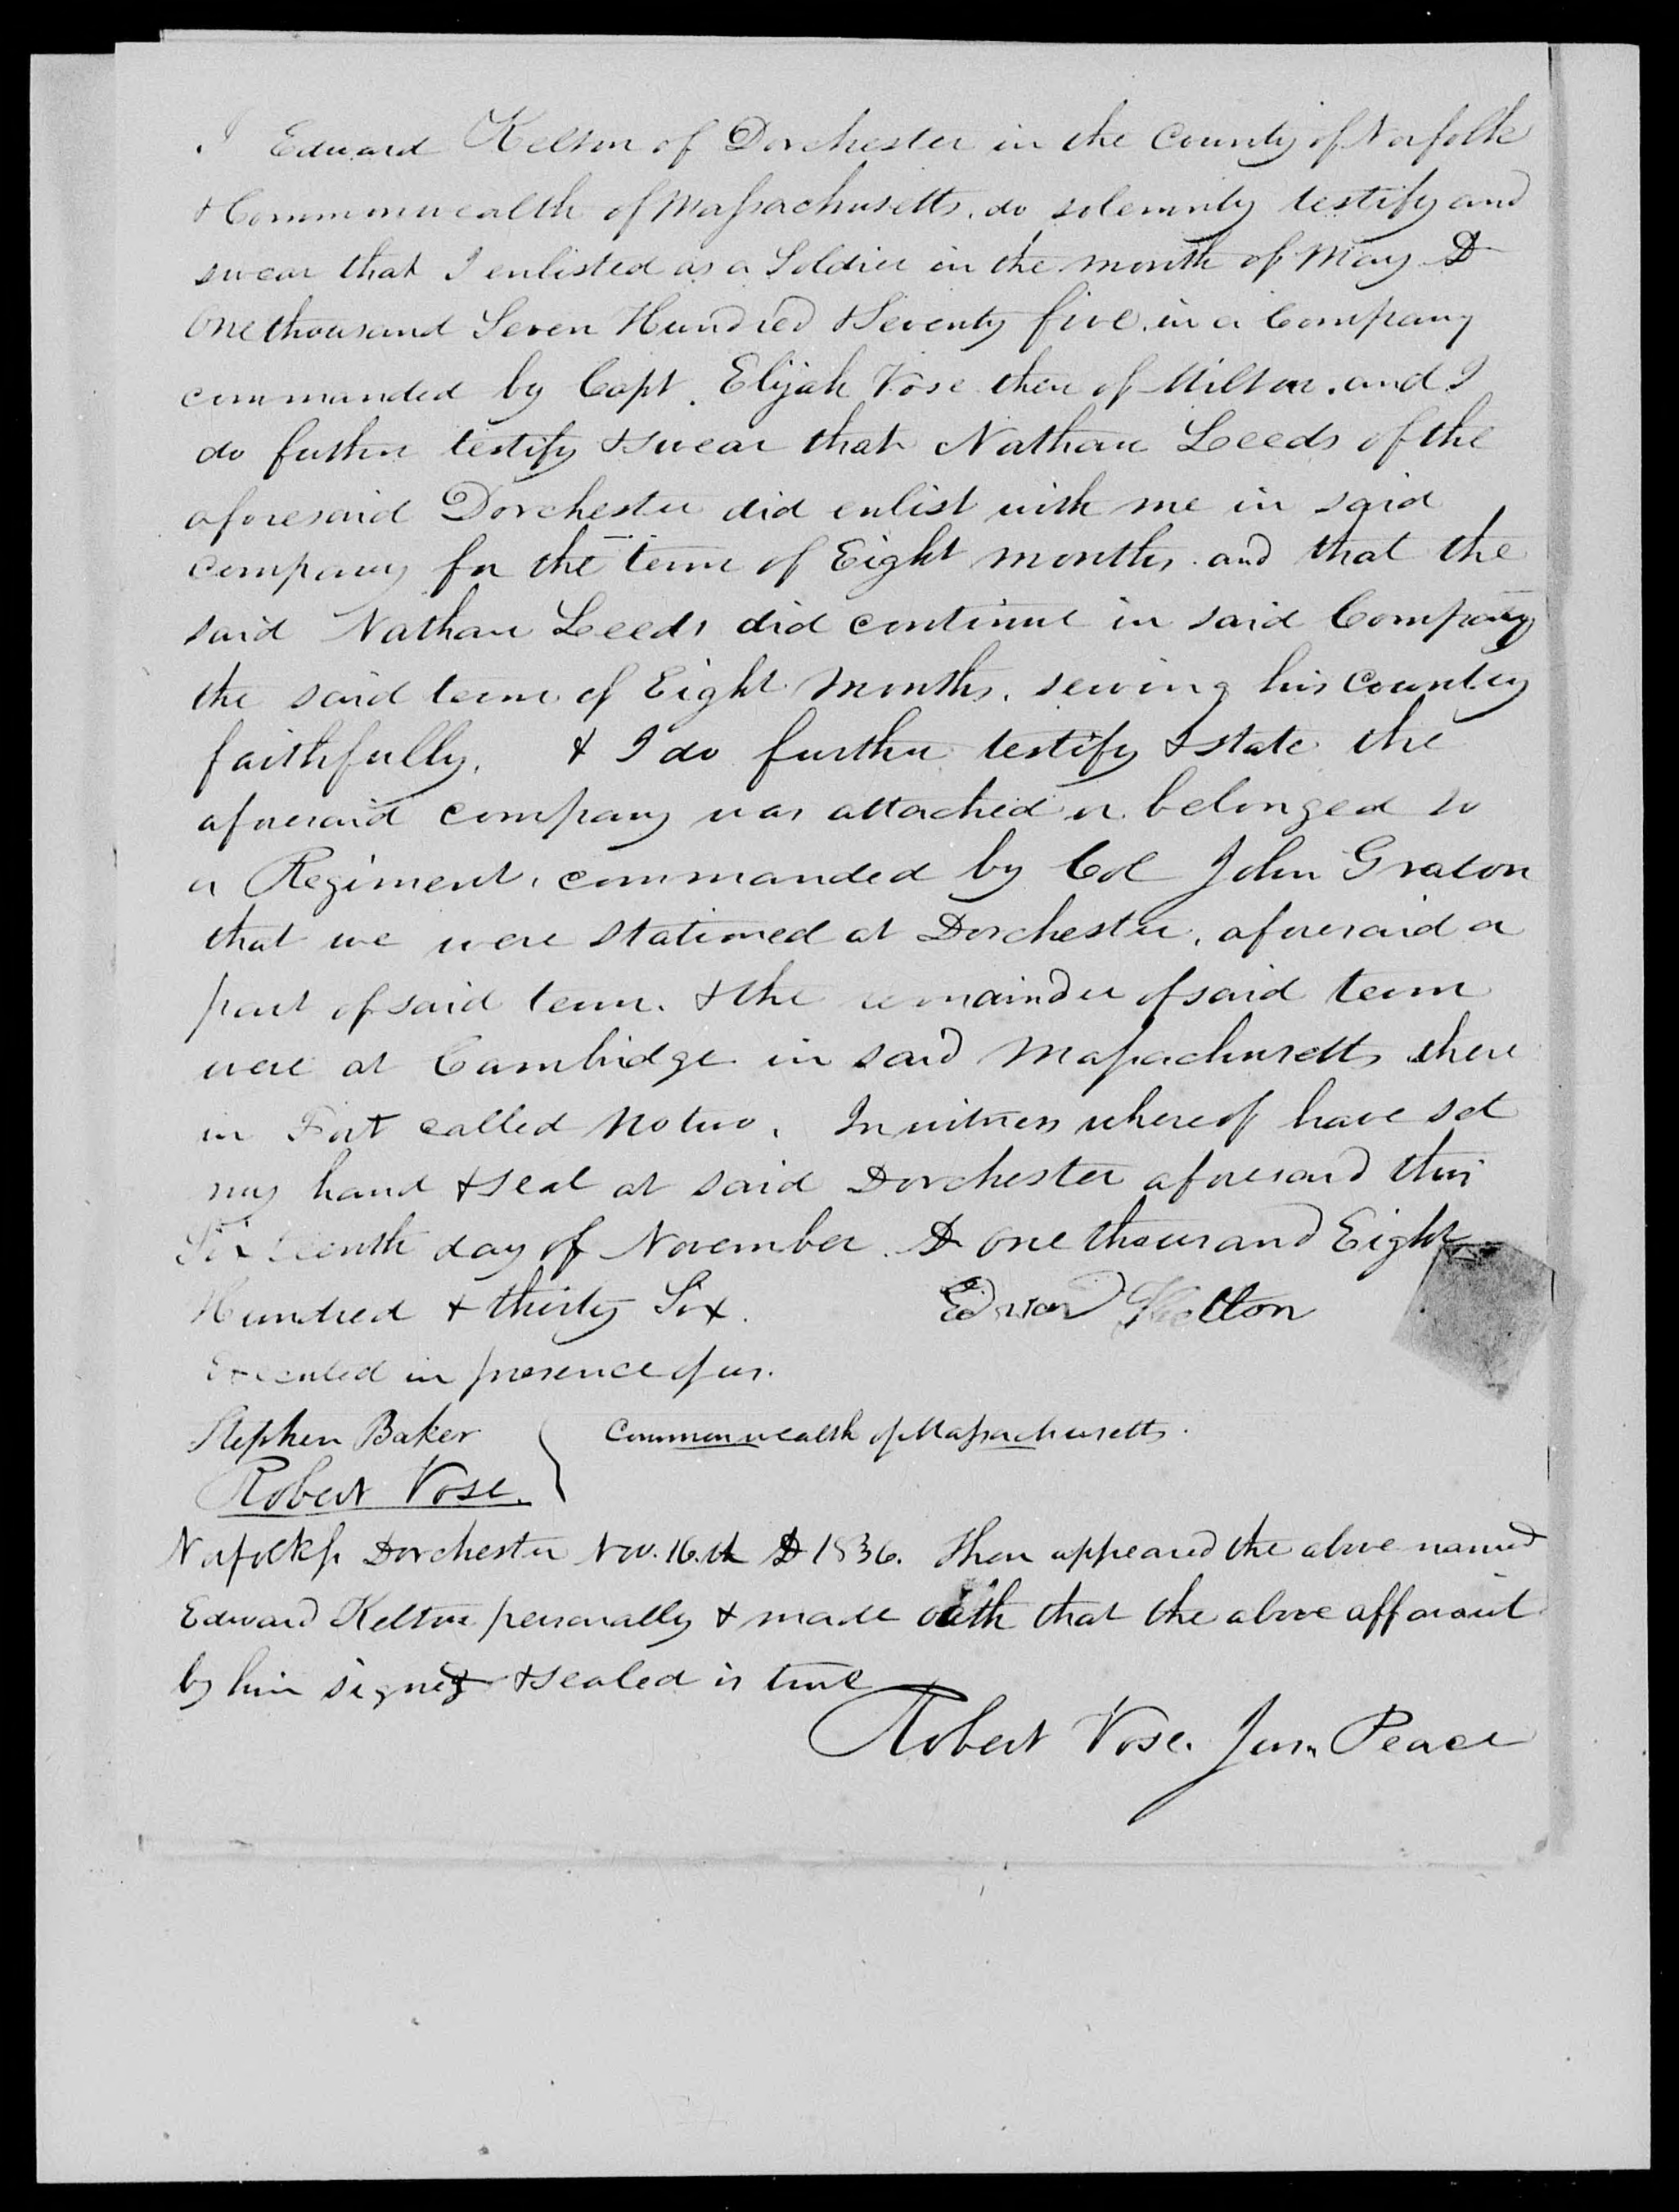I Edward Kelton of Dorchester in the County of Norfolk & 
Commonwealth of Massachusetts, do solemnly testify and
swear that I enlisted as a Soldier in the month of May 
One thousand Seven Hundred & Seventy five in a Company
commanded by Capt. Elijah Vose then of Milton and I
do further testify & swear that Nathan Leeds of the
aforesaid Dorchester did enlist with me in said
company for the term of Eight months and that the
said Nathan Leeds did continue in said Company
the said term of Eight months, serving his Country faithfully. & I do further testify & state the
aforesaid company was attached or belonged to
a Regiment commanded by Col John Graton
that we were stationed at Dorchester aforesaid a
part of said term, & the remainder of said term
were at Cambridge in said Massachusetts there
in Fort called Notuo. In witness whereof have set
my hand & seal at said Dorchester aforesaid this
Sixteenth day of November AD One thousand Eight Hundred & thirty six
Edward Kelton
executed in presence of us
Stephen Baker
Robert Vose
Commonwealth of Massachusetts
-
Norfolk SS Dorchester Nov. 16th AD 1836. Then appeared the above named
Edward Kelton personally & made oath that the above affidavit by him signed & sealed is true
Robert Vose Jus. Peace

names: Stephen Baker; Robert Vose; Elijah Vose; John Graton; Edward Kelson; Nathan Leeds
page: 4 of 33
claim: widow's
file: W. 21,567, for Nathan Leeds, Massachusetts